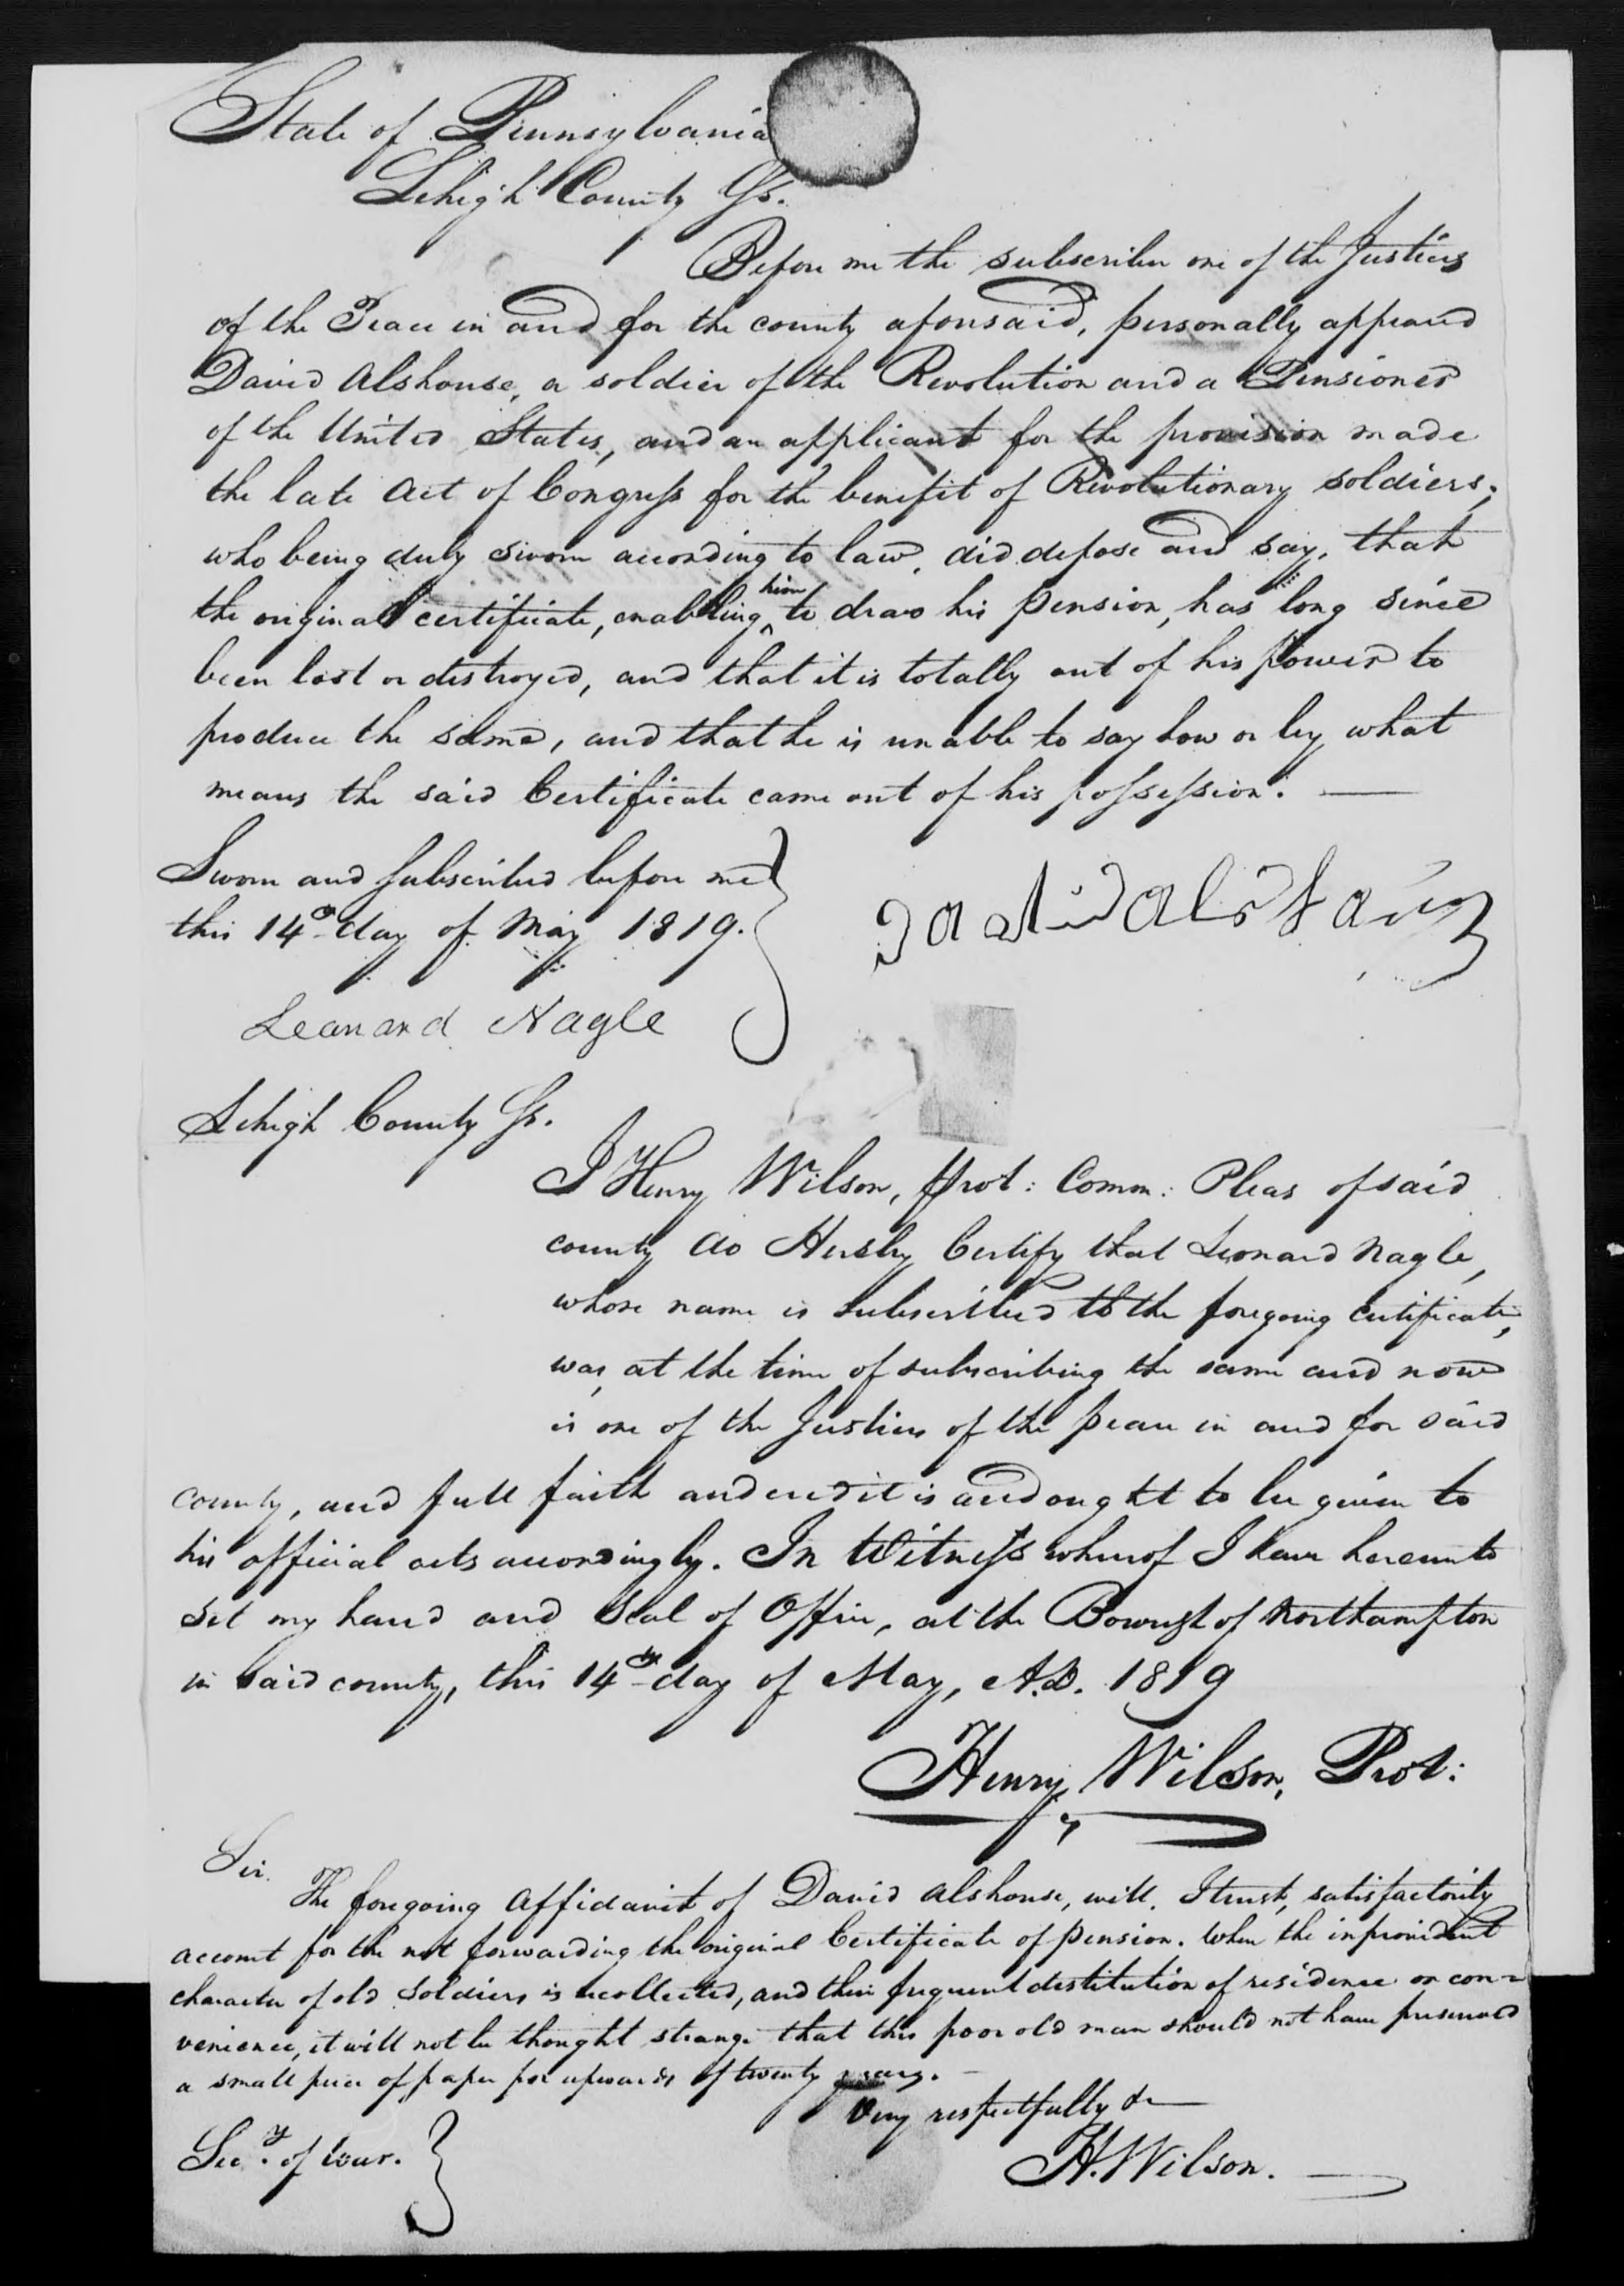State of Pennsylvania
Lehigh County Ss.   [seal]

Before me the subscriber one of the Justices of the Peace in and for the county aforesaid, personally appeared David Alshouse, a soldier of the Revolution and a Pensioner of the United States, and an applicant for the provision made by the late act of Congress for the benefit of Revolutionary soldiers; who being duly sworn according to law, did depose and say, that the original certificate, enabling ^ him to draw his pension, has long since been lost or destroyed, and that it is totally out of his power to produce the same, and that he is unable to say how or by what means the said certificate came out of his possession.--
David Alshouse [signature]

Sworn and subscribed before me }
this 14th day of May 1819.            }
Leonard Nagle [signature]

Lehigh County Ss.
[seal]
I Henry Wilson, Proth: Comm: Pleas of said county do hereby certify that Leonard Nagle, whose name is subscribed to the foregoing certificate, was at the time of subscribing the same and now is one of the Justices of the Peace in and for said county, and full faith and credit is and ought to be given to his official acts accordingly.  In Witness whereof I have hereunto set my hand and seal of office, at the Borough of Northampton in said county, this 14th day of May, A.D. 1819
Henry Wilson, Prot:

Sir,
The foregoing affidavit of David Alshouse, will, I trust, satisfactorily account for the [sic] not forwarding the original Certificate of pension.  When the improvident character of old soldiers is recollected, and their frequent destitution of residence or convenience, it will not be thought strange that this poor old man should not have produced a small piece of paper for upwards of twenty years.

Very  respectfully yrs
H. Wilson [signature]

Secy. of War.}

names: Henry Wilson, H Wilson, Leanard Nagle, Henry Wilson, David Alshouse, David Alshouse, David Alshouse, Leonard Nagle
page: 9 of 17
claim: survivor's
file: S. 39928, David Alshouse, Penn.